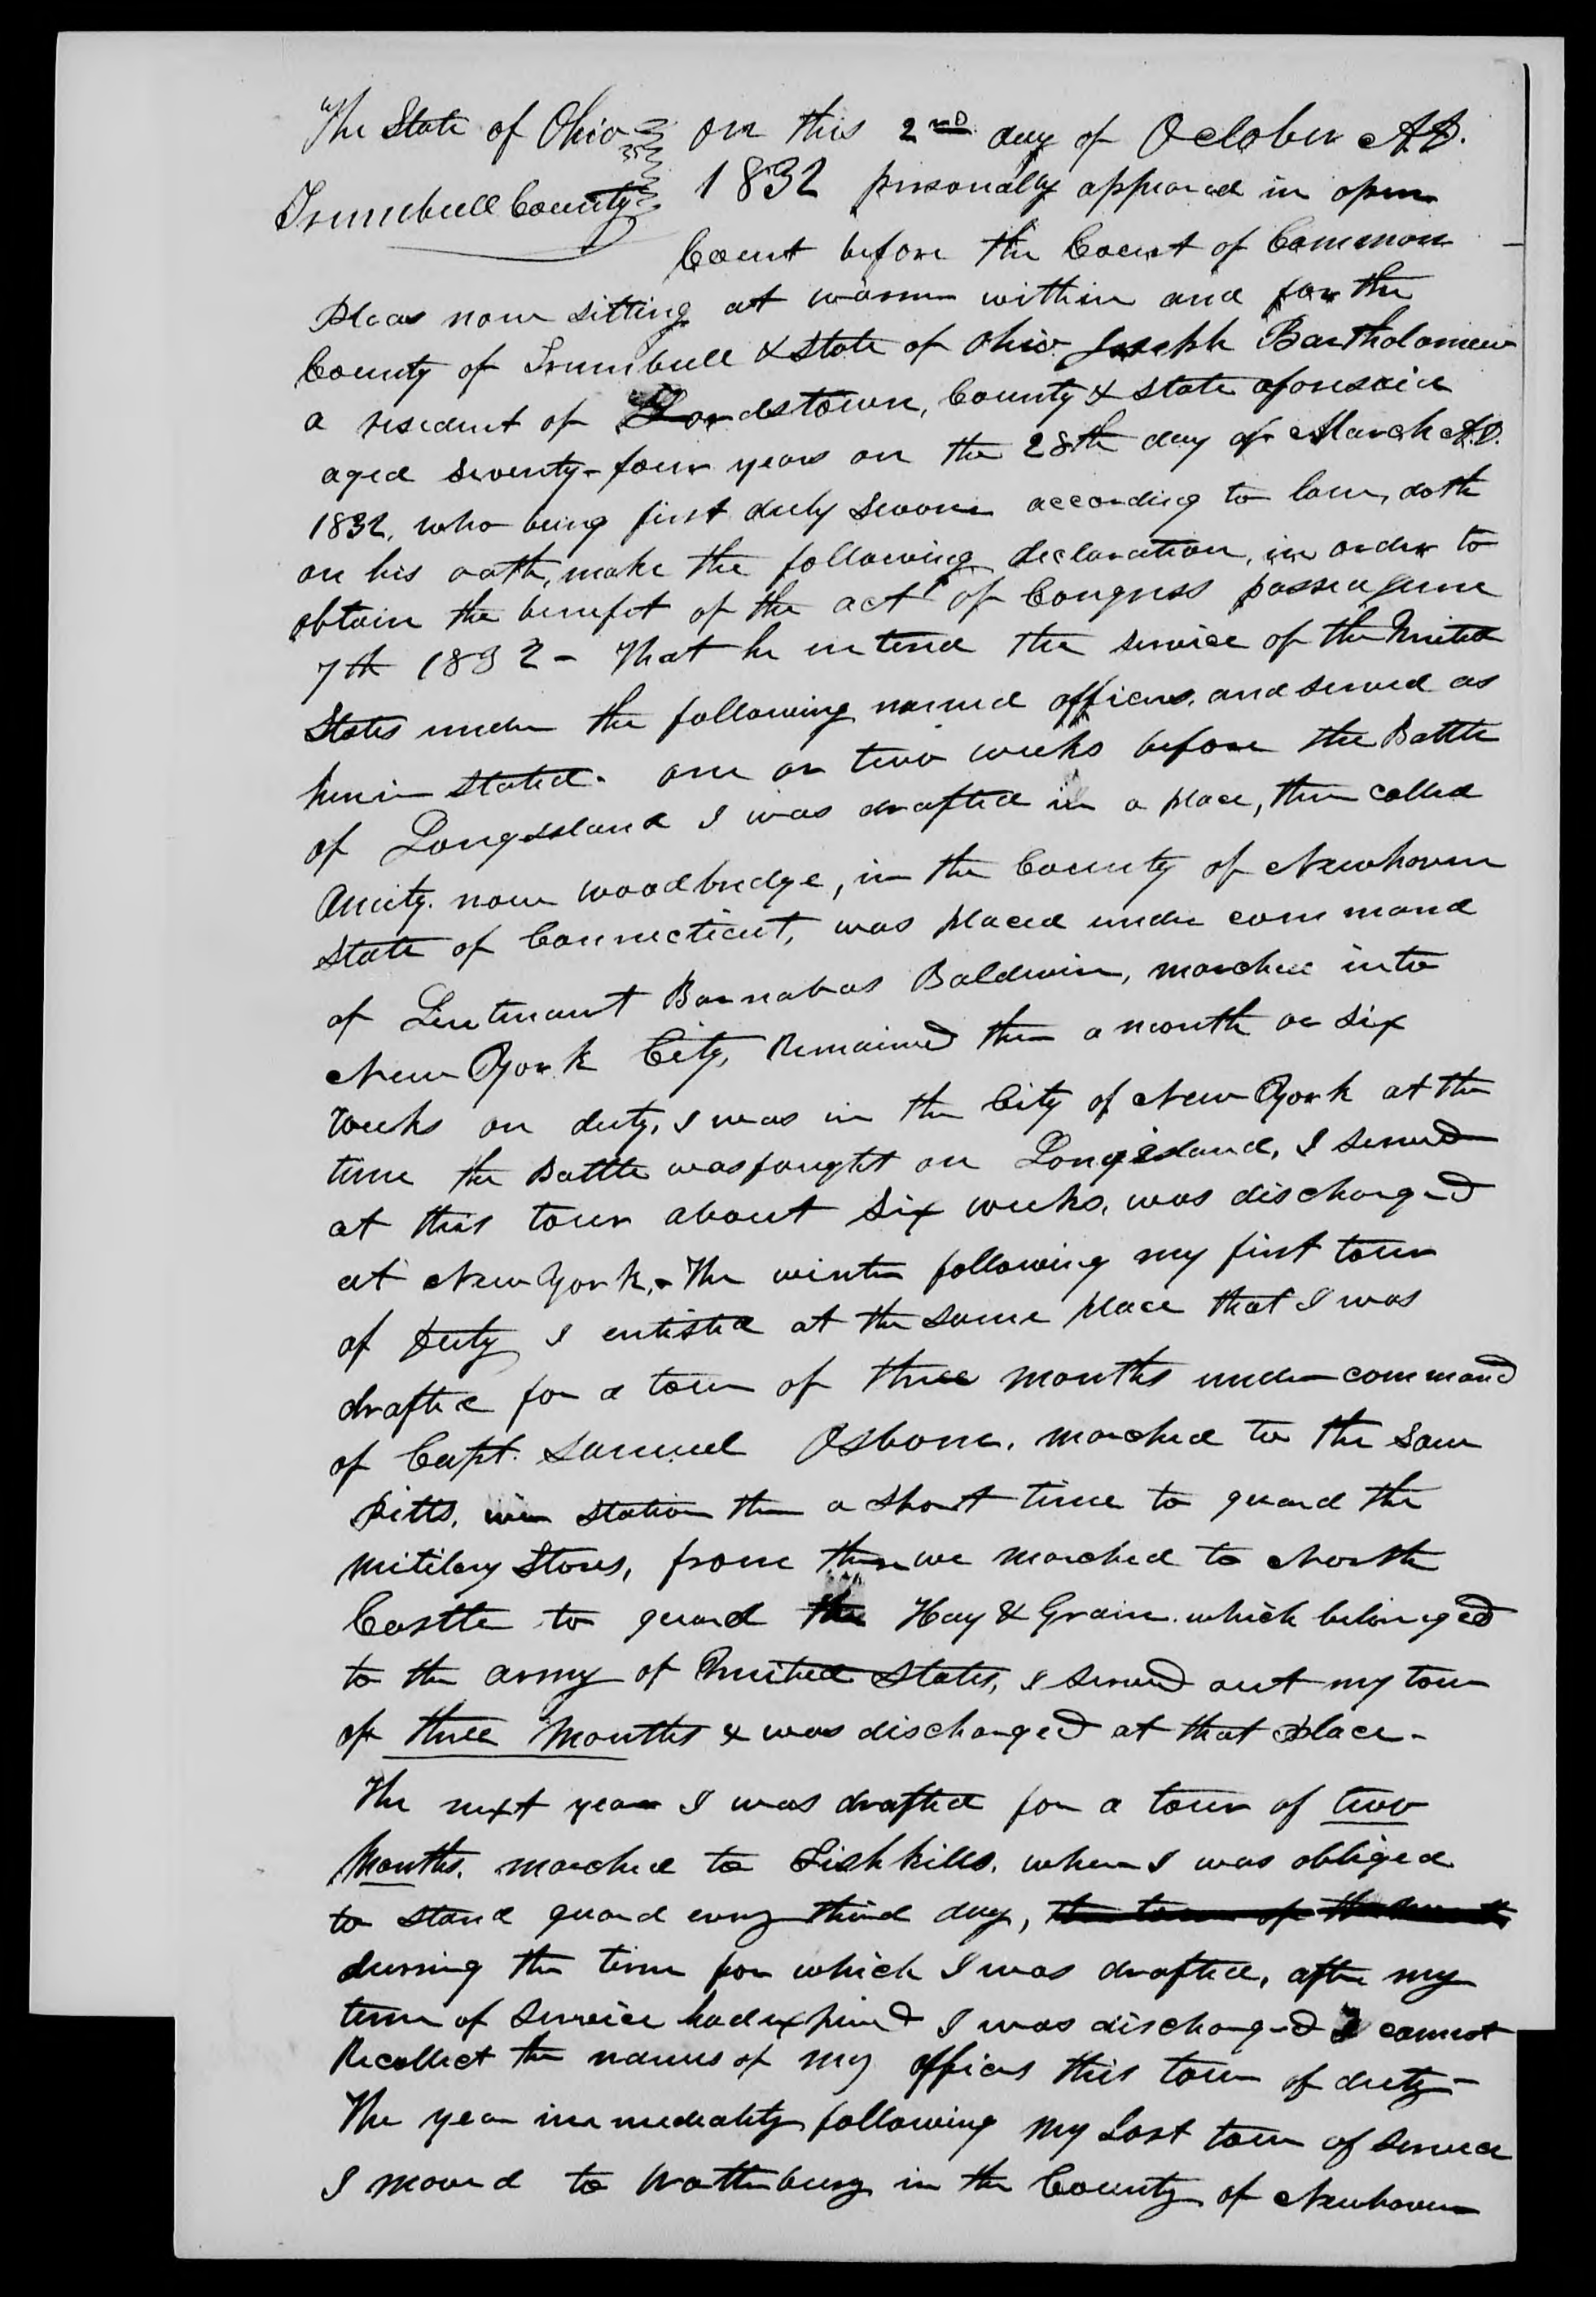The State of Ohio}
Trumbull County}ss

On this 2nd day of October A.D. 1832 personally appeared in open Court before the Court of Common Pleas now sitting at Warren within and for the County of Trumbull & State of Ohio Joseph Bartholomew a resident of Lordstown, County & State aforesaid aged seventy-four years on the 28th day of March 1832, who being first duly sworn according to law, doth on his oath, make the following declaration in order to
obtain the benefit of the act of Congress passed June 7th 1832 - That he entered the service of the United States under the following named officers, and served as
herein stated. one or two weeks before the Battle of Long Island I was drafted in a place, then called Amity now Woodbridge, in the County of Newhaven [New Haven] State of Connecticut, was placed under command
of Lieutenant Barnabas Baldwin, marched into
New York City, remained the month or six
week on duty, was in the City of New York at the time the Battle was fought on Long Island, I served at this tour about six weeks, was discharged at New York.  The winter following my first tour of duty I enlisted at the same place that I was drafted for a tour of three months under command of Capt Samuel Osborn, marched to the Saw Pitts, in station there a short time to guard the military stores, from there we marched to North Castle to guard the hay & grain which belonged
to the army of United States.  I served out my tour of three months & was discharged at that place.

The next year I was drafted for a tour of two
months, marched to Fishkills, where I was obliged to stand guard every third day,
during the time for which I was drafted, after my term of service had expired I was discharged I cannot Recollect the names of my officers this tour of duty - the year immediately following my last tour of service
I moved to Waterbury in the County of Newhaven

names: Joseph Bartholomew, Barnabas Baldwin, Samuel Osborne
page: 9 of 76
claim: widow's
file: W. 9345, Joseph Bartholomew, Conn.